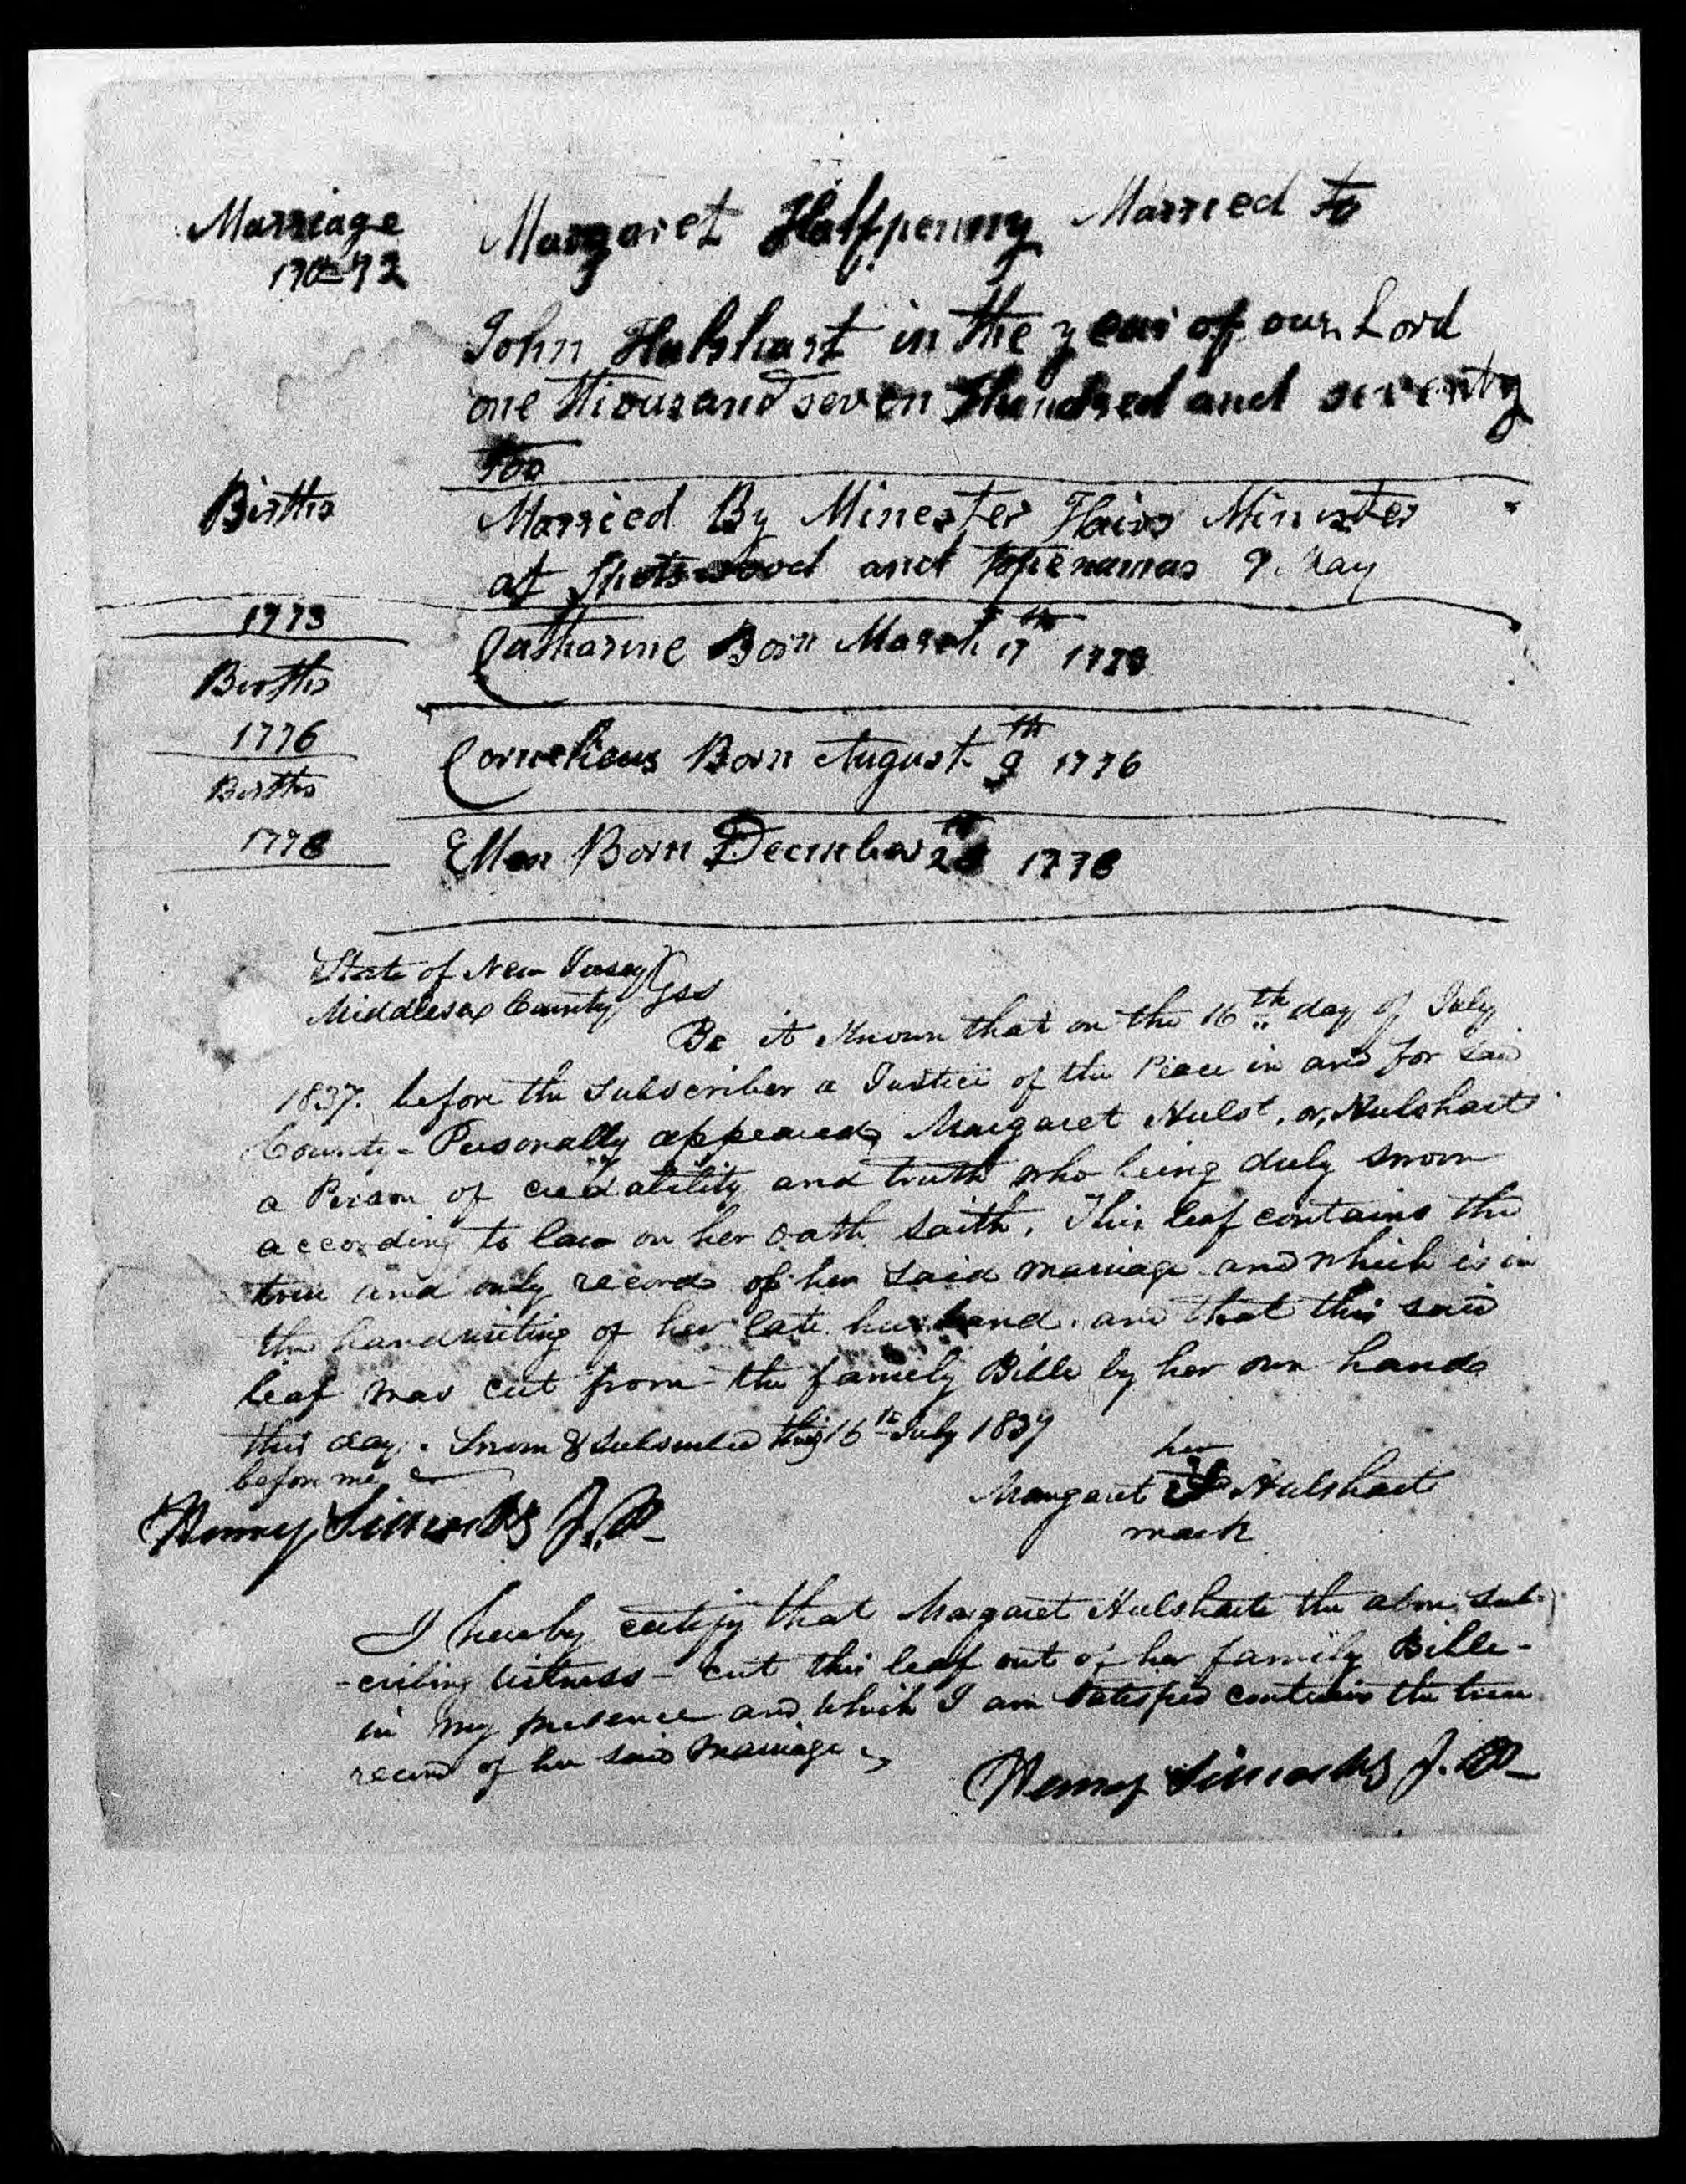Marriage
1770-72
Margaret Halfpenny Married to John Hulshart in the year of our Lord one thousand seven hundred and seventy two
---------
Married By Minester [illegible] Minister
at Spottswood and [take names?] 9 May
-----------
Births
1773
Catharine Born March 17th 1773
----------
Births
1776
Cornelius Born August 9th 1776
-----------
Births
No
1778
Ellen Born December 25th 1776
----------
State of New Jersey
Middlesex County } ss
Be it Known that on the 16th day of July
1837 before the subscriber a Justice of the Peace in and for said County Personally appeared Margaret Huls, or Hulshart, a person of credibility and truth who being duly sworn
according to law on her oath saith. This leaf contains the true and only record of her said marriage and which is in the handwriting of her late husband and that this said leaf was cut from the family Bible by her own hands this day. Sworn & subscribed this 16th July 1837
Henry Sillcocks J.P.

                 her  
Margaret    X  Hulshart
                mark

I hereby certify that Margaret Hulshart the above subscribing witness- cut this leaf out of her family Bible-  in my presence and which I am satisfied contains the record of her said marriage.
Henry Sillcocks J.P.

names: Catharine, Ellen, Margaret Holfpenny, Margaret Hulshart, Henry Sillcocks, Cornelieus, John Hulshart, Margaret Hulst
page: 12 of 34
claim: widow's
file: W. 940, John Hulshart, New Jersey